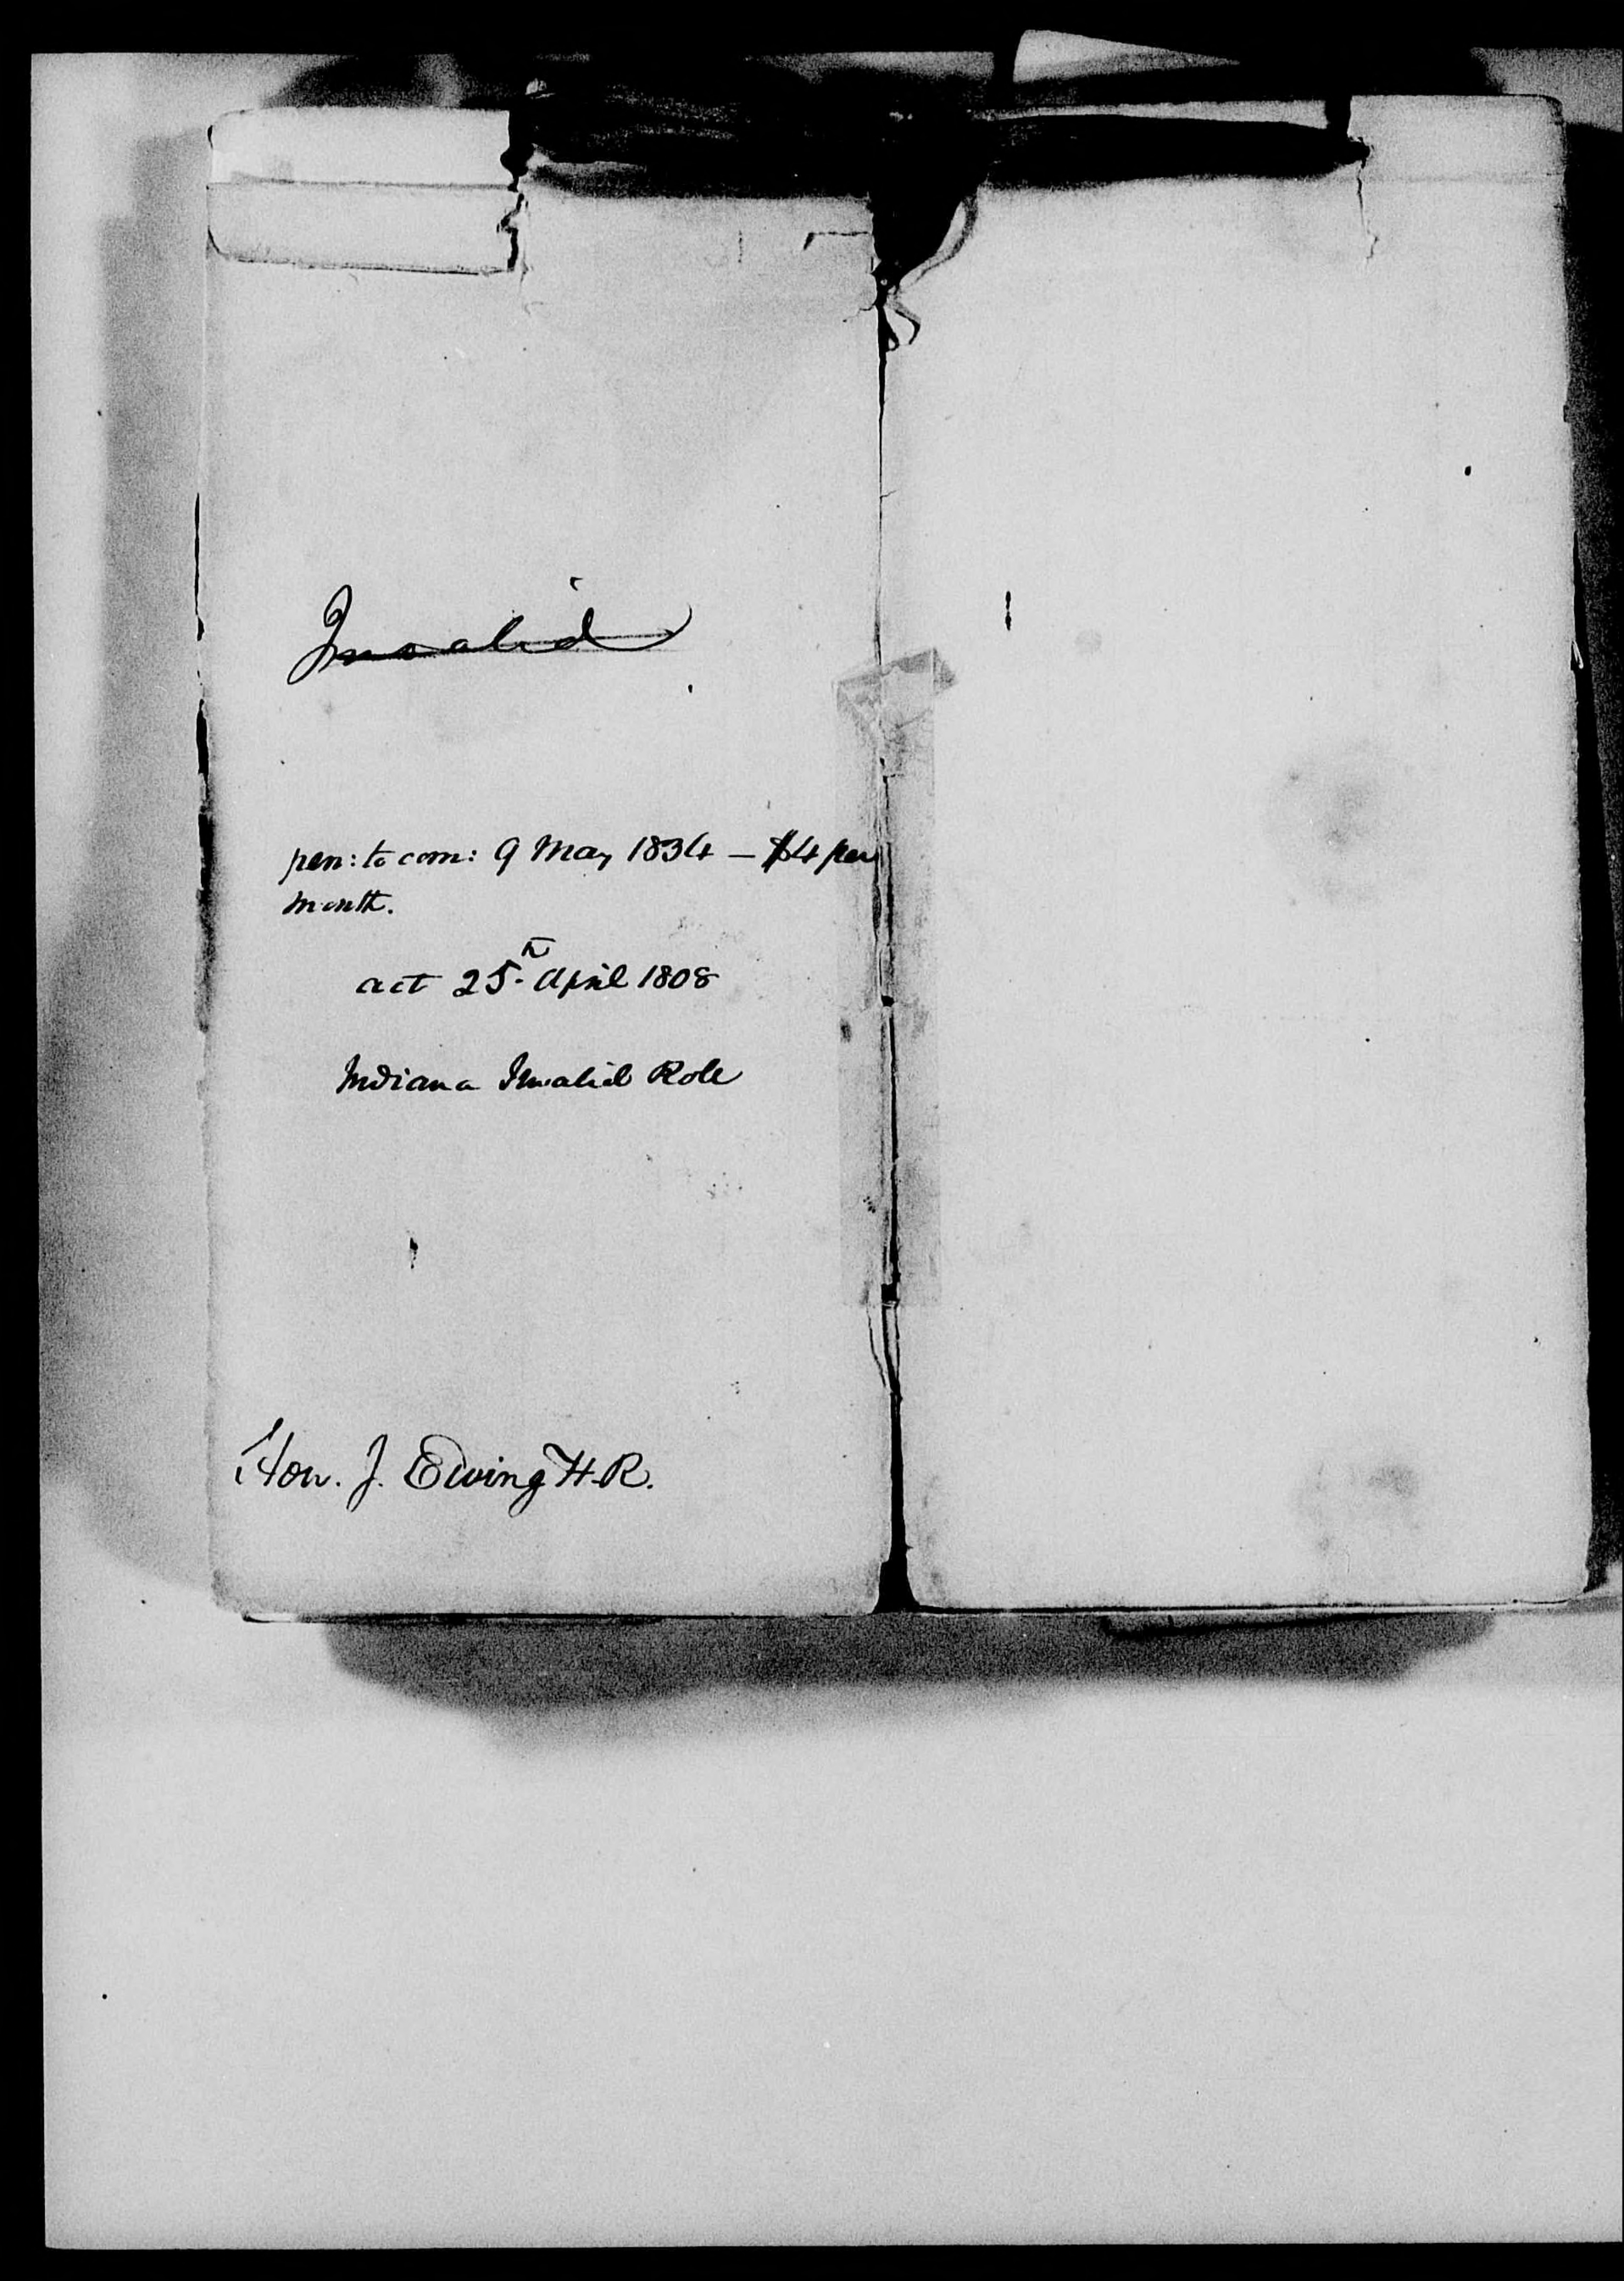pen: to com: 9 May 1834 - $4 per month.

act 25 April 1808

Indiana Invalid Role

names: J Ewing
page: 3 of 21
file: Old War Inv. File 26332, for John Parker, Other